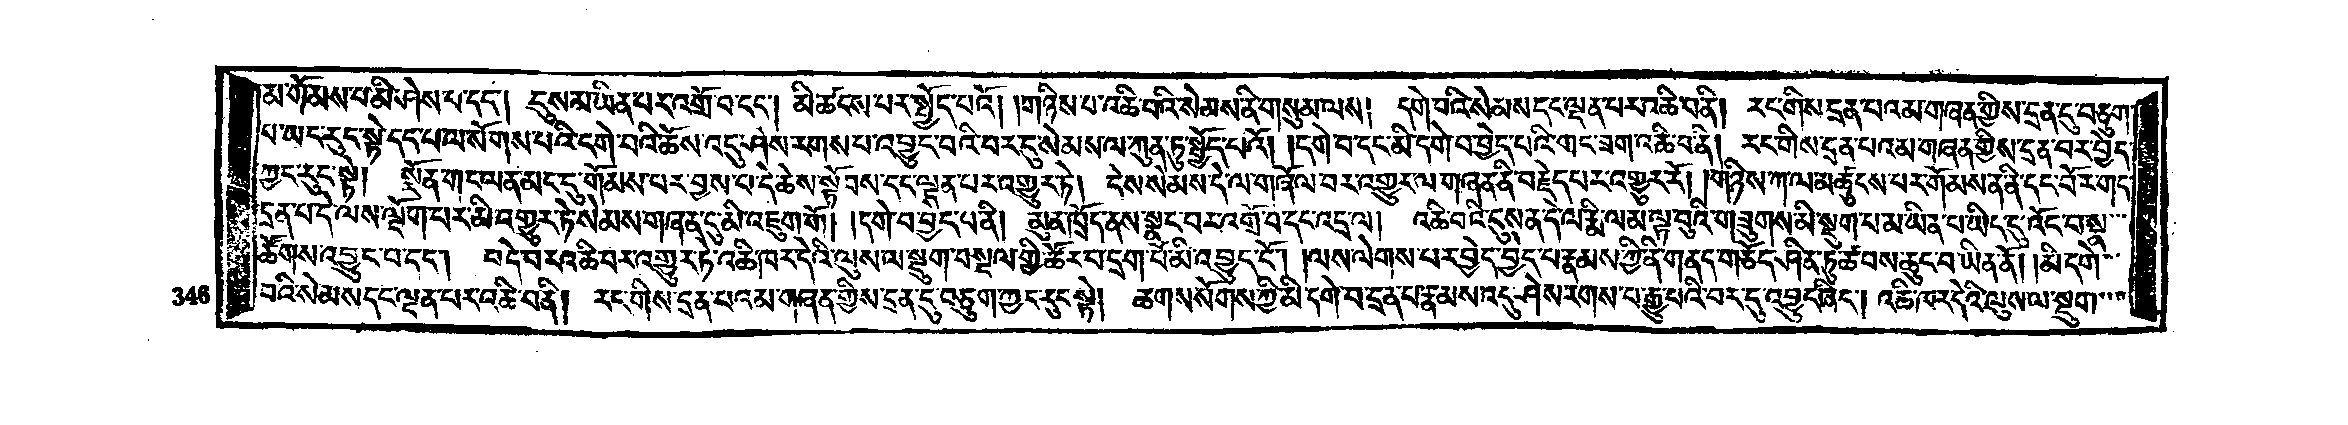མ་གོམས་པ་མི་ཤེས་པ་དང་། དུས་མ་ཡིན་པར་འགྲོ་བ་དང་། མི་ཚངས་པར་སྤྱོད་པའོ། །གཉིས་པ་འཆི་བའི་སེམས་ནི་གསུམ་ལས། དགེ་བའི་སེམས་དང་ལྡན་པར་འཆི་བ་ནི། རང་གིས་དྲན་པའམ་གཞན་གྱིས་དྲན་དུ་བཅུག་
པ་ཡང་རུང་སྟེ་དད་པ་ལ་སོགས་པའི་དགེ་བའི་ཆོས་འདུ་ཤེས་རགས་པ་འབྱུང་བའི་བར་དུ་སེམས་ལ་ཀུན་ཏུ་སྤྱོད་པའོ། །དགེ་བ་དང་མི་དགེ་བ་བྱེད་པའི་གང་ཟག་འཆི་བ་ནི། རང་གིས་དྲན་པའམ་གཞན་གྱིས་དྲན་པར་བྱེད་
ཀྱང་རུང་སྟེ། སྔོན་གང་ལན་མང་དུ་གོམས་པར་བྱས་པ་དེ་ཆེས་སྟོབས་དང་ལྡན་པར་འགྱུར་ཏེ། དེས་སེམས་དེ་ལ་གཞོལ་བར་འགྱུར་ལ་གཞན་ནི་བརྗེད་པར་འགྱུར་རོ། །གཉིས་ཀ་ལ་མཚུངས་པར་གོམས་ན་ནི་དང་པོར་གང་
དྲན་པ་དེ་ལས་ལྡོག་པར་མི་འགྱུར་ཏེ་སེམས་གཞན་དུ་མི་འཇུག་གོ། །དགེ་བ་བྱེད་པ་ནི། མུན་ཁྲོད་ནས་སྣང་བར་འགྲོ་བ་དང་འདྲ་ལ། འཆི་བའི་དུས་ན་དེ་ལ་རྨི་ལམ་ལྟ་བུའི་གཟུགས་མི་སྡུག་པ་མ་ཡིན་པ་ཡིད་དུ་འོང་བ་སྣ་
ཚོགས་འབྱུང་བ་དང་། བདེ་བར་འཆི་བར་འགྱུར་ཏེ་འཆི་ཁར་དེའི་ལུས་ལ་སྡུག་བསྔལ་གྱི་ཚོར་བ་དྲག་པོ་མི་འབྱུང་ངོ། །ལས་ལེགས་པར་བྱེད་བྱེད་པ་རྣམས་ཀྱི་ནི་གནད་གཅོད་ཤིན་ཏུ་ཚབས་ཆུང་བ་ཡིན་ནོ། །མི་དགེ་
བའི་སེམས་དང་ལྡན་པར་འཆི་བ་ནི། རང་གིས་དྲན་པའམ་གཞན་གྱིས་དྲན་དུ་བཅུག་ཀྱང་རུང་སྟེ། ཆགས་སོགས་ཀྱི་མི་དགེ་བ་དྲན་པ་རྣམས་འདུ་ཤེས་རགས་པ་རྒྱུ་བའི་བར་དུ་འབྱུང་ཞིང་། འཆི་ཁར་དེའི་ལུས་ལ་སྡུག་